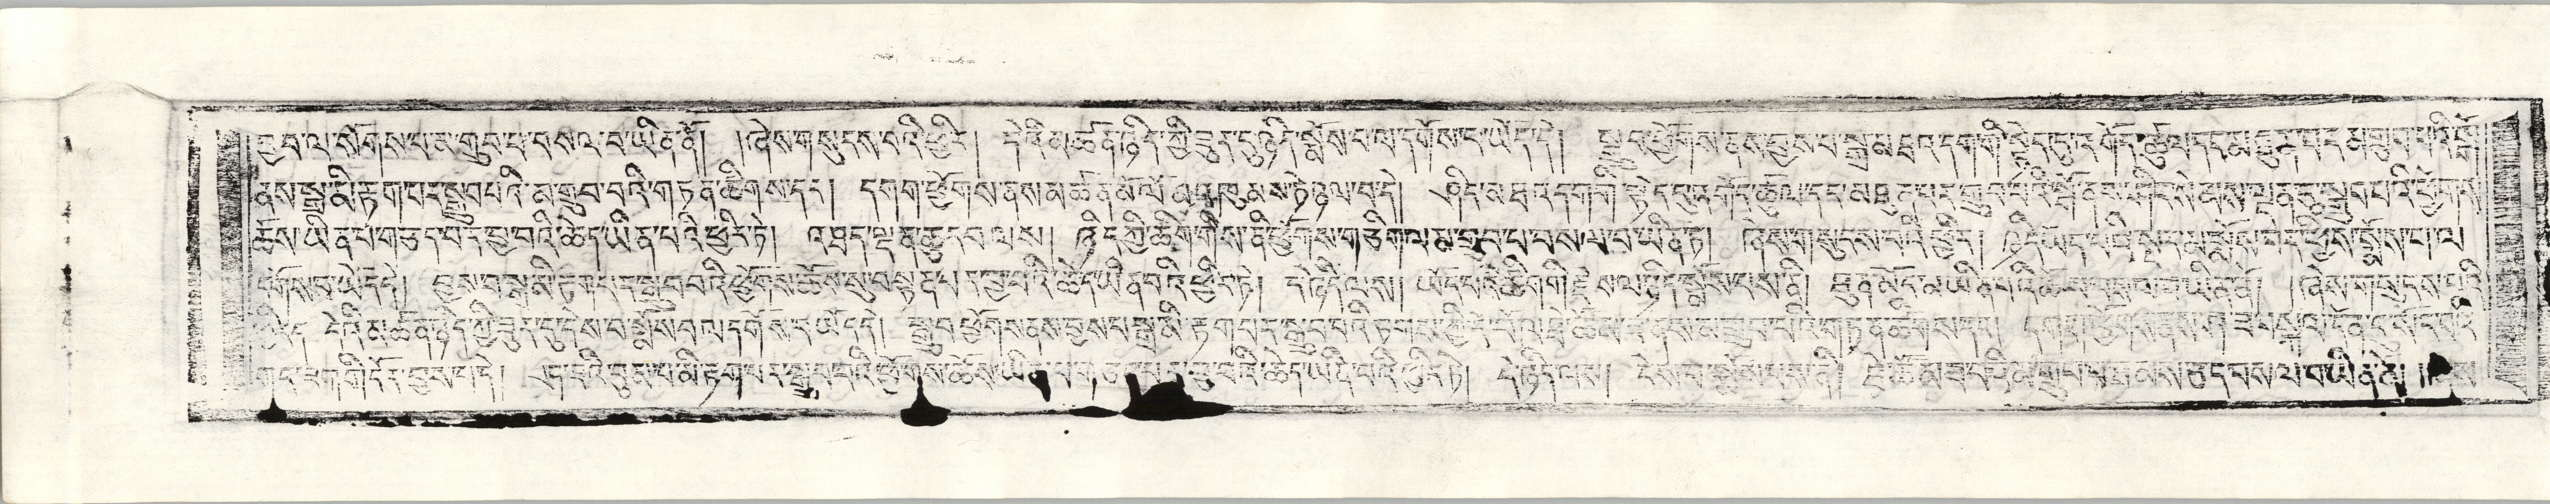བྱ་བ་ལ་སོགས་པ་མ་གྲུབ་པ་བསལ་བ་ཡིན་ནོ། །ཞེས་གསུངས་པའི་ཕྱིར། དེའི་མཚན་ཉིད་ཀྱི་ཟུར་དུ་ཉིད་སྨོས་པ་ལ་དགོས་པ་ཡོད་དེ། སྒྲུབ་ཕྱོགས་ནས་བྱས་པ་སྒྲ་མཐའ་དག་གི་སྟེང་དུ་འགོད་ཚུལ་དང་མཐུན་པར་མ་གྲུབ་པའི་སྒོ་
ནས་སྒྲ་མི་རྟག་པར་སྒྲུབ་པའི་མ་གྲུབ་བའི་གཏན་ཚིགས་དང་། དགག་ཕྱོགས་ནས་མཚན་མོ་ལོ་མ་འཁུམས་ཏེ་ཉལ་བ་དེ། ཤིང་མཐའ་དག་གི་སྟེང་དུ་འགོད་ཚུལ་དང་མཐུན་པར་གྲུབ་པའི་སྒོ་ནས་ཤིང་སེམས་ལྡན་དུ་སྒྲུབ་པའི་ཕྱོགས་
ཆོས་ཡིན་པ་གཅོད་པར་བྱ་བའི་ཆེད་ཡིན་པའི་ཕྱིར་ཏེ། འཐད་ལྡན་ཆུང་བ་ལས། ཉིད་ཀྱི་ཚིག་གིས་ནི་ཕྱོགས་གཅིག་ལ་མ་གྲུབ་པ་བསལ་བ་ཡིན་ཏེ། ཞེས་གསུངས་པའི་ཕྱིར། ཉིད་ཡོད་པའི་སྔར་མ་སྨོས་པར་ཕྱིས་སྨྲས་པ་ལ་
དགོས་པ་ཡོད་དེ། བྱས་པ་སྒྲ་མི་རྟག་པར་སྒྲུབ་པའི་ཕྱོགས་ཆོས་སུ་བསྟན་པར་བྱ་བའི་ཆེད་ཡིན་པའི་ཕྱིར་ཏེ། དེ་ཉིད་ལས། ཡོད་པའི་ཚིག་གི་རྗེས་ལ་ཉིད་སྨྲས་པས་ནི། ཐུན་མོང་མ་ཡིན་པའི་ཆོས་བསལ་བ་ཡིན་ནོ། །ཞེས་གསུངས་པའི་
ཕྱིར། དེའི་མཚན་ཉིད་ཀྱི་ཟུར་དུ་ངེས་པ་སྨོས་པ་ལ་དགོས་པ་ཡོད་དེ། སྒྲུབ་ཕྱོགས་ནས་བྱས་པ་སྒྲ་མི་རྟག་པར་སྒྲུབ་པའི་རྟགས་ཀྱི་ངོ་བོ་ལ་ཐེ་ཚོམ་ཟོས་ནས་མ་གྲུབ་པའི་གཏན་ཚིགས་དང་། དགག་ཕྱོགས་ནས་ཤ་ཟ་བསྐལ་དོན་དུ་སོང་བའི་
གང་ཟག་གི་ངོར་བྱས་པ་དེ། ཤ་ཟའི་བུམ་པ་མི་རྟག་པར་སྒྲུབ་པའི་ཕྱོགས་ཆོས་ཡིན་པ་གཅོད་པར་བྱ་བའི་ཆེད་ཡིན་པའི་ཕྱིར་ཏེ། དེ་ཉིད་ལས། ངེས་པ་སྨྲས་པས་ནི། ཐེ་ཚོམ་ཟ་བའི་མ་གྲུབ་པ་ཐམས་ཅད་བསལ་བ་ཡིན་ནོ། །ཞེས་